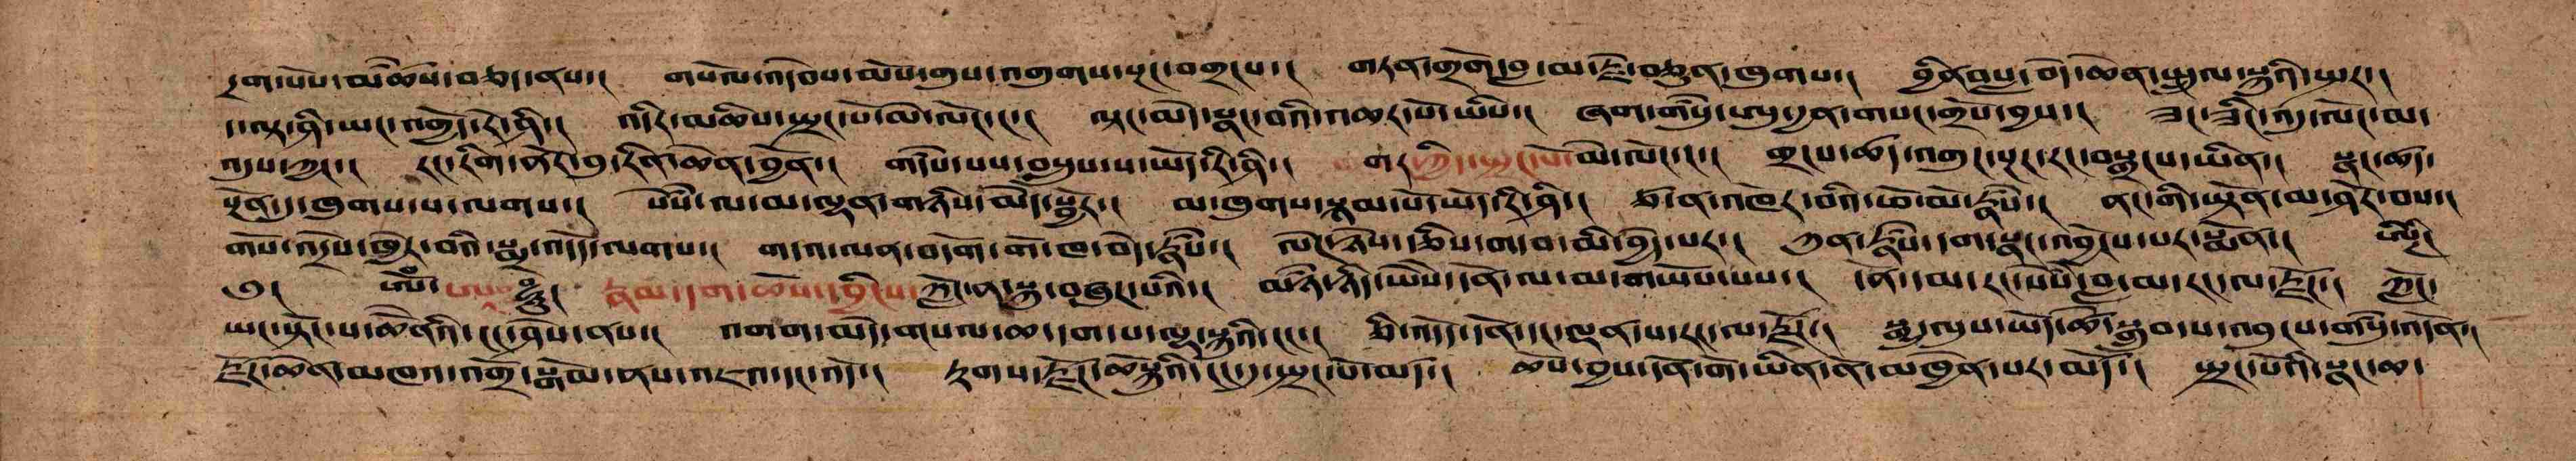དྲག་པོས་མཚམས་བཅད་ནས།། གསོལ་འདེབས་མོས་གུས་འགུགས་སྔགས་བགྲངས།། གཏན་གྲོགས་བླ་མ་རྗེ་བཙུན་ཁུགས།། བྱིན་རླབས་བདེ་ཆེན་སྤྲུལ་སྐུའི་སྤར།། 
ད་ལྟ་ཤི་ཡང་འགྱོད་རེ་ཤི།། འདིར་མཆིས་སྤྲང་པོ་མེ་ལོང་ང་།། ལྟང་མེད་སྣང་བའི་འཆར་པོ་ཡིས།། ཞག་གསུམ་ཨུ་རྒྱན་གསང་གྲོས་བྱས།། ཟང་ཟིང་འདུ་ལོུང་མ་
འདུས་ཀྱང་།། རང་རིག་ནོར་བུ་རིན་ཆེན་བྱོན།། གདམས་པས་བསླུས་པ་ཡོད་རི་ཤི།། མགུར་གྱི་སྤྲང་པོ་མེ་ལོང་ང་།། གྲངས་ཚད་འགུགས་སྔགས་རང་བསྒྲངས་ཡིན།། སྣང་ཚད་
སྔོན་དུ་ཁུག་པ་ལགས།། སེམས་ལ་མ་ལྡན་གཉིས་མེད་སྦྱོར།། མ་ཁུགས་སྙམ་པོ་ཡོད་རི་ཤི།། ཙ་ན་འཁོར་བའི་ཕོ་མོ་རྣམས།། ནང་གི་ཡོན་ཏན་མ་ཤོར་བས།། 
གོས་འདྲེས་ཁྱེར་བའི་སྨྲ་འདོད་ལགས།། གདའ་ལན་བདོག་གོ་ཁ་བདེ་རྣམས།། ལེགས་ཉེས་རྩིས་གདབ་མི་བྱེད་པར།། ཀུན་རྣམས་དག་སྣང་འབྱོངས་པར་སྨོན།། ཨིཊི།། 
༄་། ཨོཾ་ཨཱཿཧཱུཾ། རྣམ་དག་ཆོས་དབྱིངས་ཀློང་ན་སྐུ་བཞུགས་པའི།། མཉམ་ཉིད་ཡེ་ཤེས་དོན་ལ་མ་གཡོས་པས།། དོན་དམ་རང་སེམས་བླ་མ་རང་ལ་རྫོགས།། ཀློང་
ཡངས་སྟོང་པ་ཆེན་པོའི་ངང་ཤེས་ནས།། འགག་མེད་གསལ་ཆ་དག་པ་ལྷ་སྐུའི་ངང་།། ཅི་འདོད་དོན་དང་ལྡན་པ་རང་ལ་རྫོགས།། སྒྱུ་ལུས་ཡོད་ཚེ་སྒྲུབ་པ་འབུངས་གསུམ་འདོན།། 
རྫོགས་ཆེན་མཁའ་འགྲོ་སྒོམ་ནས་འཇའ་དང་འོད།། རྟགས་རྫོགས་ཆོས་སྐུའི་ངང་དུ་སྤྲང་པོ་མཛད།། ཆོས་བྱས་དོན་གོ་ཡིན་ནོ་མཁྱེན་པར་མཛོད།། སྤྲང་པོའི་སྣང་ཆ་